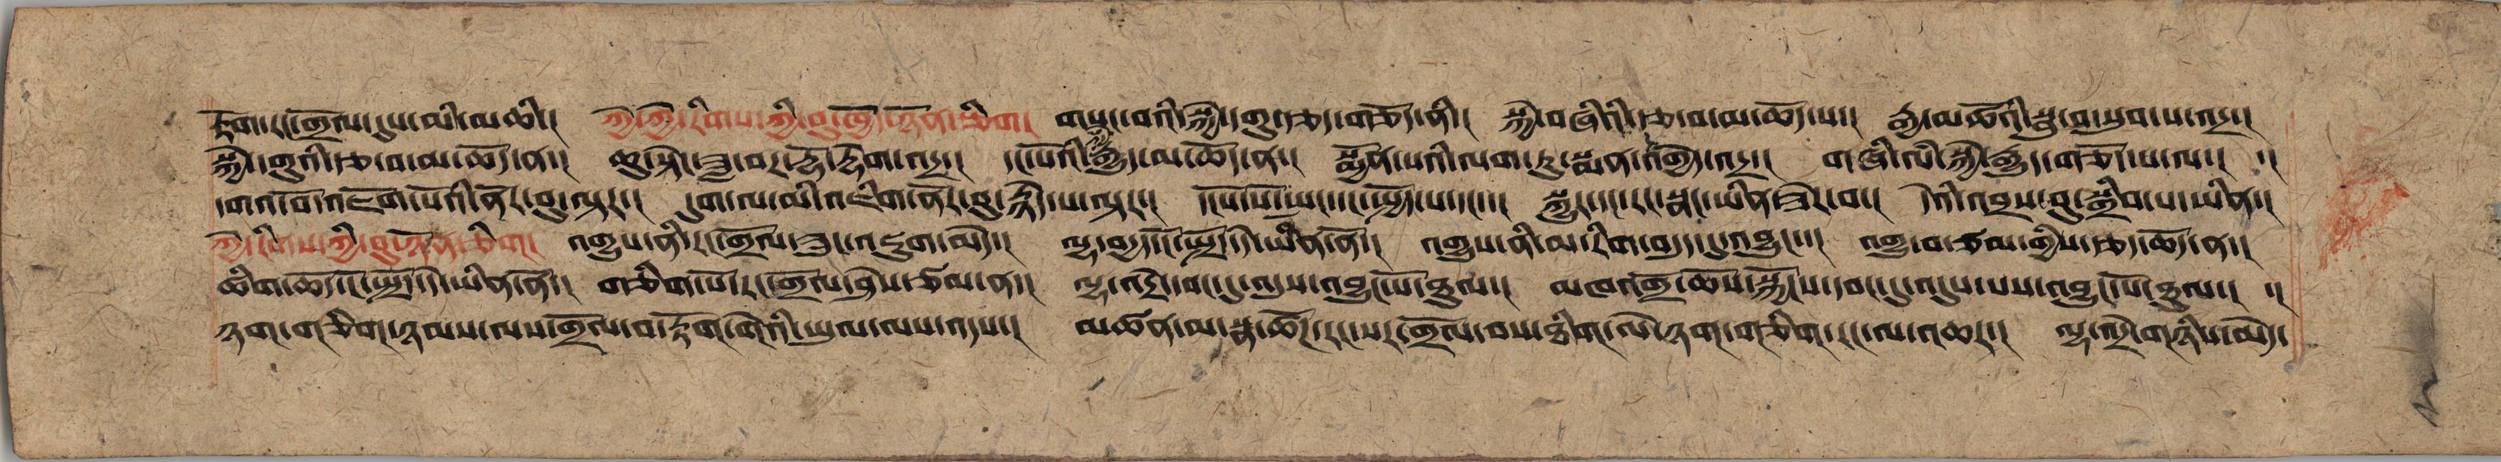རྟོག་རང་གྲོལ་དུས་མི་མཆི་། ཀྱེ་ཀྱེ་རིགས་ཀྱི་བུ་ཁྱོད་ཉོན་ཅིག། གསུང་བའི་སྐྱེ་དགུ་རྩད་གཅོད་ནི་། སྐྱེ་བཞིའི་རྩ་བ་མ་ཆོད་པ་། རྒྱ་མཚོའི་སྦུ་བ་སུབ་པ་འདྲ་།
སྐྱེ་དགུའི་རྩ་བ་མ་ཆོད་ན་། ཆུ་སྟེང་ཟླ་བར་རྡོ་རྡེག་འདྲ་། དང་པོའི་སྐྱེ་རྒྱུད་མ་ཆོད་ན་། སྨྱོན་པའི་ལག་ཏུ་སྨན་འགྱཻད་འདྲ་། གཞི་ལཾ་སྐྱེ་རྒྱུད་གཅོད་པ་ལ་།
དགའ་བོ་འཇོག་པོའི་ནོར་བུ་ལྟར་། དུག་ལ་མི་འཇིག་ནོར་བུ་རྙེད་པ་ལྟར་། དངོས་པོ་སྤང་དང་སྤྱོད་པ་དང་་། སྐྱུར་དང་རང་སྣང་ཡིན་ཟེར་བ་། དེའི་འབྲས་བུ་སྒྲིབ་པ་ཡིན་།
ཀྱེ་རིགས་ཀྱི་བུ་ཉོན་ཅིག། འགྱུས་ནི་རང་གྲོལ་ཟུང་འཇུག་མེད་། ལྷ་བདྱད་ངོ་སྤྲོད་དེ་ཡིན་ནོ་། འགྱུས་ནི་མ་རིག་བདུད་དུ་འབྱུང་་། འགྱུ་བ་ཙམ་གྱིས་རྩད་ཆོད་ན་།
ཚིག་ཆོད་ངོ་སྤྲོད་དེ་ཡིན་ནོ་། གཅིག་པོ་རང་གྲོལ་ཤེས་ཙམ་ན་། ལྷ་འདྲེ་དབང་དུ་འདུས་འབྱུང་པོ་ཐུལ་། མཁའ་འགྲོ་ཆོས་སྐྱོངས་དབང་དུ་འདུས་པས་འབྱུང་པོ་ཐུལ་། ་།
ཉག་གཅིག་ཉམས་ལས་གྲོལ་བ་རྟོག་གེའི་ཡུལ་ལས་འདས་། མཚན་མ་སྣ་ཚོཌ་རང་སར་གྲོལ་བས་ཐིག་ལེ་ཉག་གཅིག་རང་ལ་འཆར་། ལྷ་འདྲེ་གཉིས་མེད་